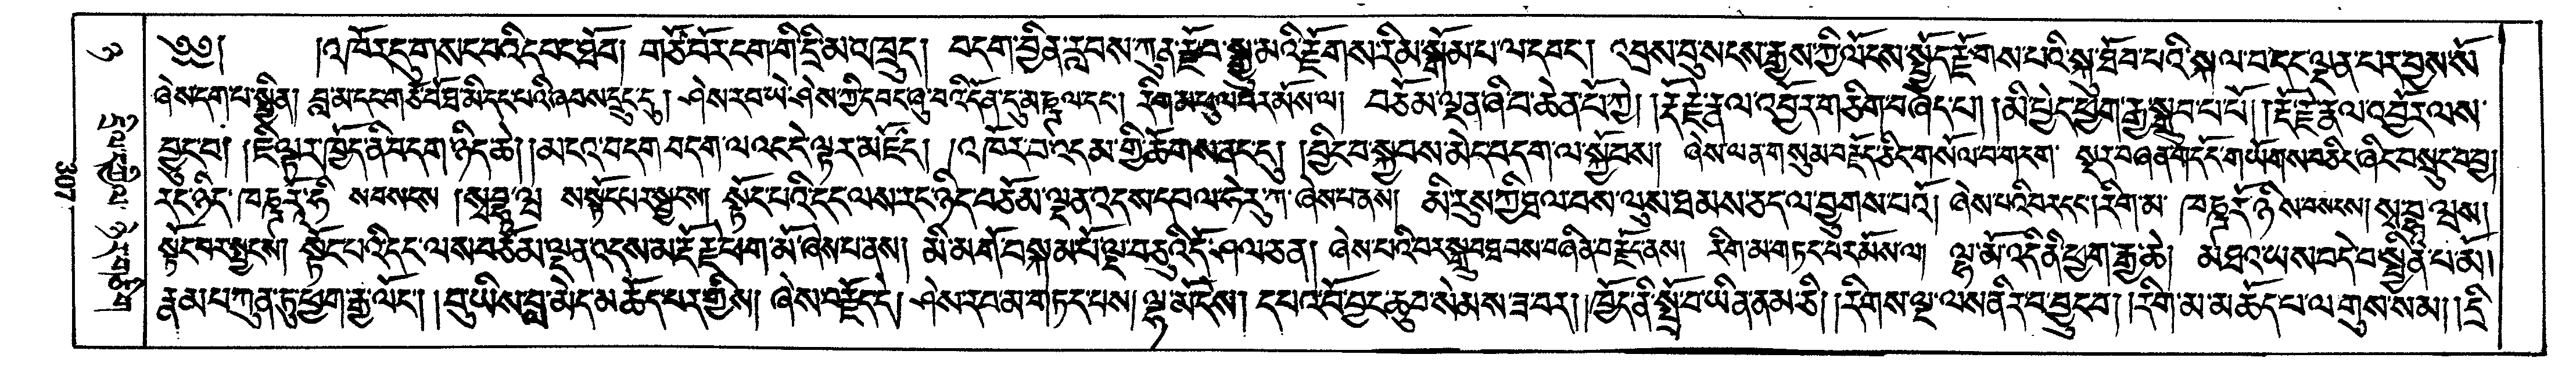༄༅། །འཁོར་དུ་གསང་བའི་དབང་ཐོབ། གཙོ་བོར་ངག་གི་དྲི་མ་འཁྲུད། བདག་བྱིན་རླབས་ཀུན་རྫོབ་སྒྱུ་མའི་རྫོགས་རིམ་སྒོམ་པ་ལ་དབང་། འབྲས་བུ་སངས་རྒྱས་ཀྱི་ལོངས་སྤྱོད་རྫོགས་པའི་སྐུ་ཐོབ་པའི་སྐལ་བ་དང་ལྡན་པར་བྱས་སོ།
ཞེས་དག་བ་སྦྱིན། བླ་མ་དང་གཙོ་བོ་ཐ་མི་དད་པའི་ཞབས་དྲུང་དུ། ཤེས་རབ་ཡེ་ཤེས་ཀྱི་དབང་ཞུ་བའི་དོན་དུ་མཎྜལ་དང་། རིག་མ་ཕུལ་བར་ཕོས་ལ། བཅོམ་ལྡན་ཞི་བ་ཆེན་པོ་ཀྱེ། །རྡོ་རྗེ་རྣལ་འབྱོར་གཅིག་བཞེད་པ། མི་ཕྱེད་ཕྱག་རྒྱ་སྒྲུབ་པ་པོ། །རྡོ་རྗེ་རྣལ་འབྱོར་ལས་
བྱུང་བ། །ཇི་ལྟར་ཁྱོད་ནི་བདག་ཉིད་ཆེ། །མངཱ་བདག་བདག་ལའང་དེ་ལྟར་མཛོད། །འཁོར་བ་འདམ་གྱི་ཚོགས་ནང་དུ། །བྱིང་བ་སྐྱབས་མེད་བདག་ལ་སྐྱོབས། ཞེས་ལན་གསུམ་བརྗོད་ཅིང་གསོལ་བ་གདབ། སྔར་བཞིན་གདོང་གཡོགས་བཅིང་ཞིང་བསྲུང་བ་བྱ།
རང་ཉིད་ཁཎྜ་རོ་ཧི་ས་བསངས། སྭ་བྷཱ་ཝ་ས་སྟོང་པར་སྦྱངས། སྟོང་པའི་ངང་ལས་རང་ཉིད་བཅོམ་ལྡན་འདས་དཔལ་ཧེ་རུ་ཀ་ཞེས་པ་ནས། མི་རུས་ཀྱི་ཐལ་བས་ལུས་ཐམས་ཅད་ལ་བྱུགས་པའོ། ཞེས་བའི་བར་དང་། རིག་མ༑ ཁཎྜ་རོ་ཧིས་བསངས། སྭ་བྷཱ་ཝས་
སྟོང་པར་སྦྱངས། སྟོང་པའི་ངང་ལས་བཅོམ་ལྡན་འདས་མ་རྡོ་རྗེ་ཕག་མོ་ཞེས་བ་ནས། མི་མགོ་བསྐམ་པོ་ལྔ་བཅུའི་དོ་ཤལ་ཅན། ཞེས་པའི་བར་སྒྲུབ་ཐབས་བཞིན་བརྗོད་ནས། རིག་མ་གཏད་པར་མོས་ལ། ལྷ་མོ་འདི་ནི་ཕྱག་རྒྱ་ཆེ། །མཐའ་ཡས་བདེ་བ་སྦྱིན་པ་མོ།།
རྣམ་པ་ཀུན་ཏུ་ཕྱག་རྒྱ་ལོང་། །བུ་ཡིས་བླ་མེད་མཆོད་པར་གྱིས། ཞེས་བརྗོད་དེ། ཤེས་རབ་མ་གཏད་བས། ལྷ་མོ་དེས། དཔའ་བོ་བྱང་ཆུབ་སེམས་ཟ་བར། །ཁྱོད་ནི་སྤྲོ་བ་ཡིན་ནམ་ཅི། །རིགས་ལྔ་ལས་ནི་རབ་བྱུང་བ། །རིག་མ་མཆོད་བ་ལ་གུས་སམ། །དྲི་